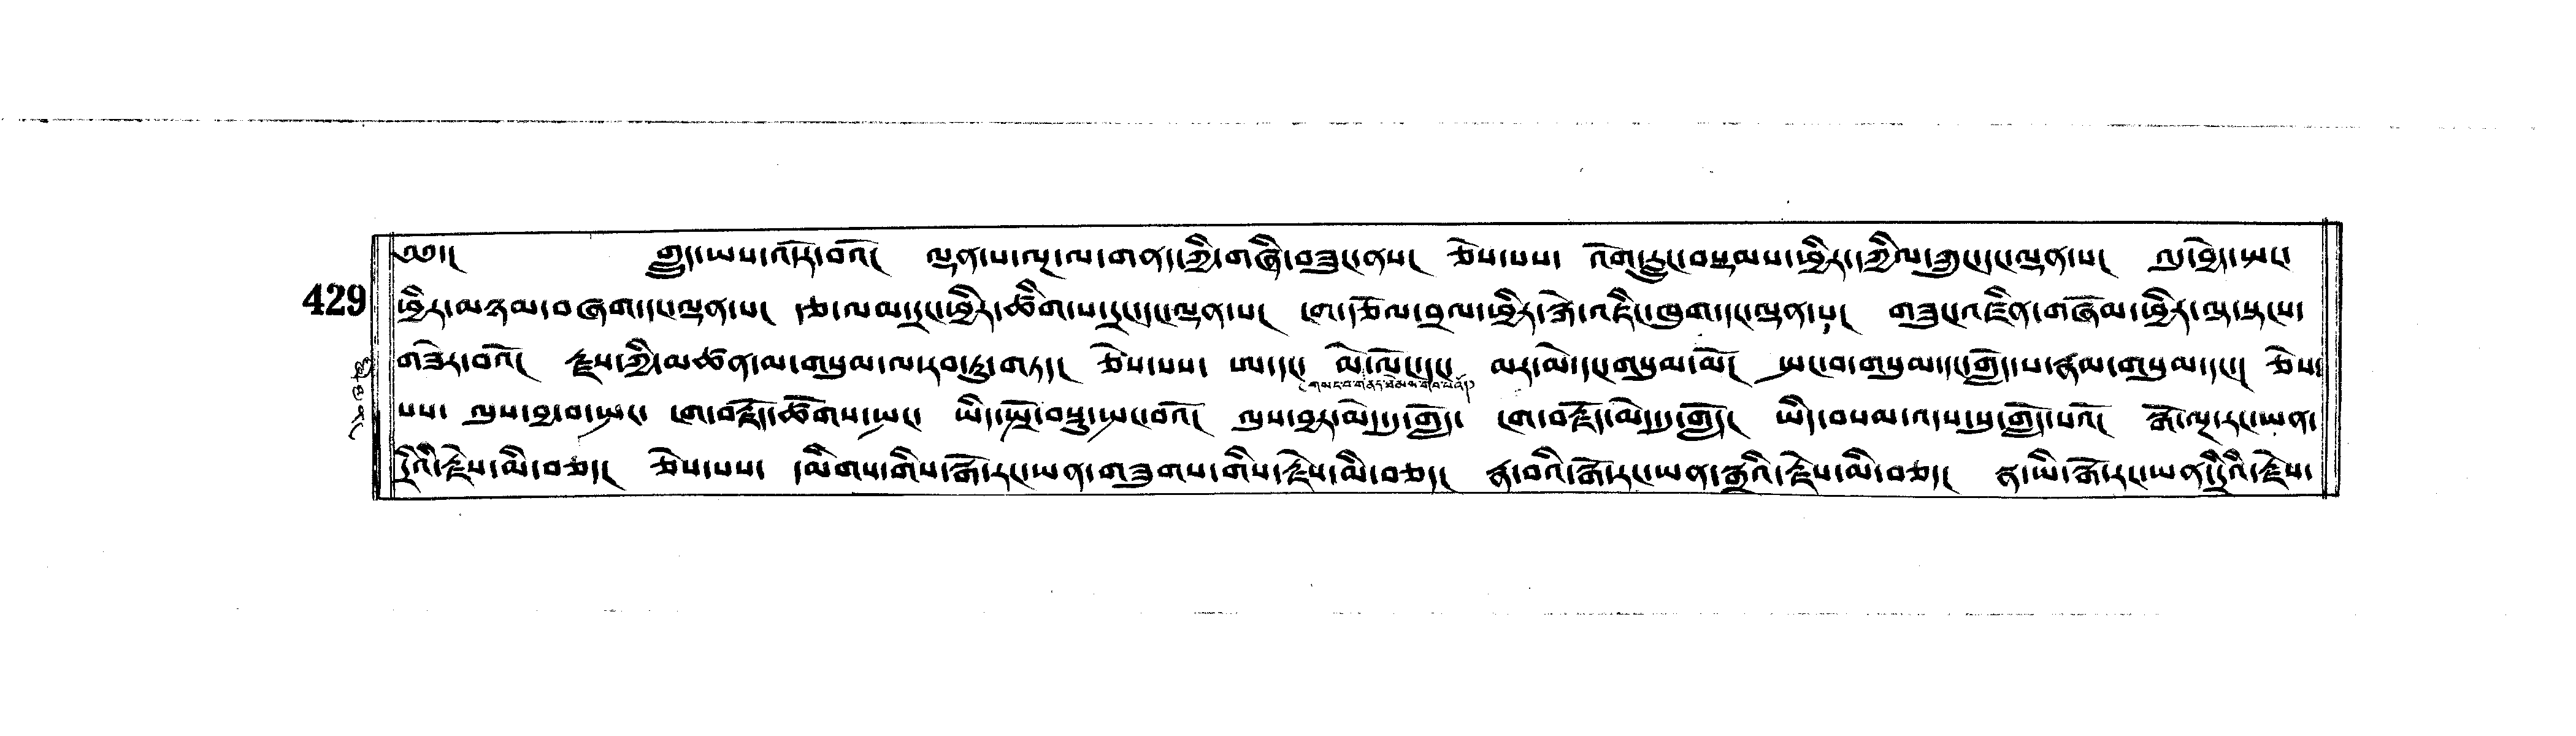གླུད་ཡས་འདོར་བའོ། ལྡན་པ་ལྔ་ལ་གནད་ཀྱི་གཞི་བཟུང་ནས། ཅེས་པས། འོག་རླུང་བསྡམ་ཕྱིར་དཀྱིལ་ཀྲུང་དང་ལྡན་པ། འདུ་བྱེད་སྤང་
ཕྱིར་མཉམ་གཞག་དང་ལྡན་པ། རྩ་ལམ་དྲང་ཕྱིར་ཚིག་དྲང་དང་ལྡན་པ། ངག་རྩོལ་བྲལ་ཕྱིར་སྐེ་འཇིང་ཁུག་དང་ལྡན་པ། གཟུང་འཛིན་གཞོམ་ཕྱིར་ལྟ་སྟངས་
གཟིར་བའོ། རྫས་ཀྱི་མཚན་མ་གསུམ་ལ་རབ་ཏུ་གཏད། ཨ་དང་མེ་ལོང་དང་མར་མེ་དང་གསུམ་མོ། སྤང་བ་གསུམ་དང་གློད་པ་རྣམ་གསུམ་དང་། 
ལུས་བྱ་བ་སྤང་། ངག་བརྗོད་ཚོགས་སྤང་། ཡིད་སྤྲོ་བསྡུ་སྤང་བའོ། ལུས་བྱར་མེད་དུ་གློད། ངག་བརྗོད་མེད་དུ་གློད། ཡིད་བསམ་འདས་སུ་གློད་པའོ། སྒོ་ང་རང་ཡན་
དྲི་ཡི་རྗེས་མི་བཅད། ཅེས་པས། དམིགས་གིས་སྒོ་རང་ཡན་གཟུགས་གིས་རྗེས་མི་བཅད། རྣ་བའི་སྒོ་རང་ཡན་སྒྲ་ཡི་རྗེས་མི་བཅད། སྣ་ཡི་སྒོ་རང་ཡན་དྲི་ཡི་རྗེས་